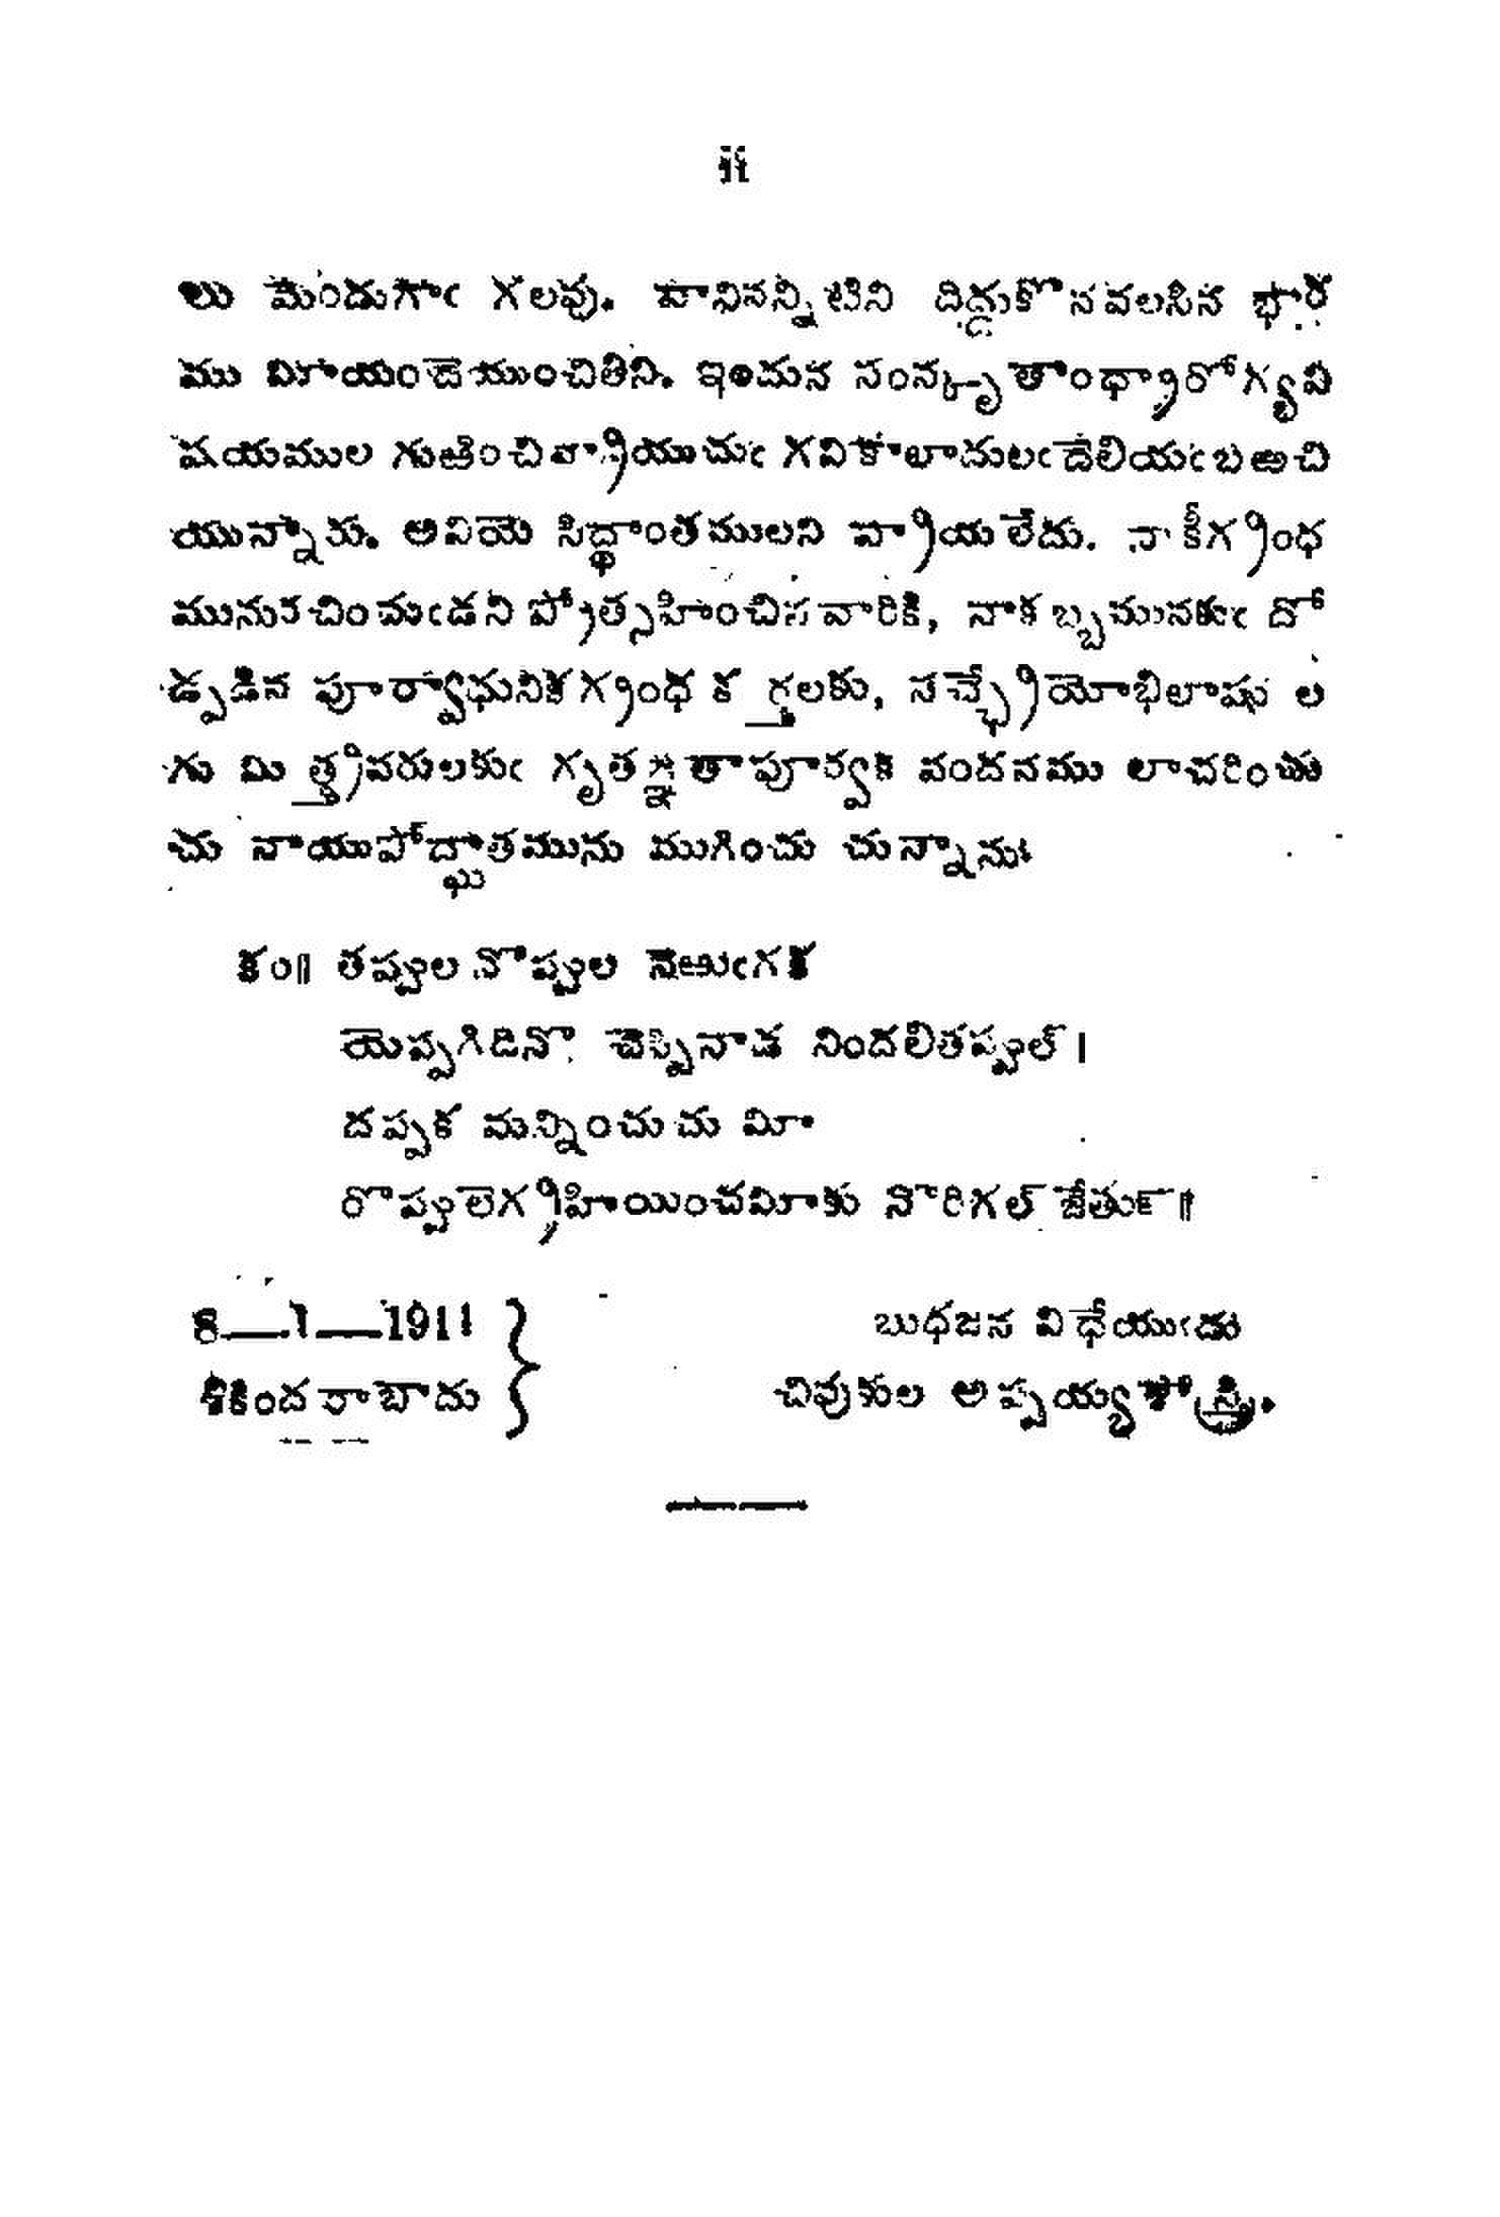లు మెండుగాఁ గలవు. వానినన్నిటిని దిద్దుకొనవలసిన భారము మీయందెయుంచితిని, ఇందున సంస్కృతాంధ్రారోగ్య విషయముల గుఱించి వ్రాయుచుఁ గవికాలాదులఁ దెలియఁబఱచి యున్నారు. అవియె సిద్ధాంతములని వ్రాయలేదు. నాకీగ్రంధమును రచించుఁడని ప్రోత్సహించినవారికి, నాకబ్బమునకుఁ దోడ్పడిన పూర్వాధునికగ్రంధ కర్తలకు, సచ్ఛ్రేయోభిలాషు లగు మిత్త్రవరులకుఁ గృతజ్ఞతాపూర్వక వందనము లాచరించుచు నాయుపోద్ఘాతమును ముగించు చున్నాను.

కం॥ తప్పుల నొప్పుల నెఱుఁగక
 యెప్పగిదినొ చెప్పినాడ నిందలితప్పుల్ ।
 దప్పక మన్నించుచు మీ
 రొప్పులెగ్రహియించమీకు నొరిగల్ జేతున్ ॥